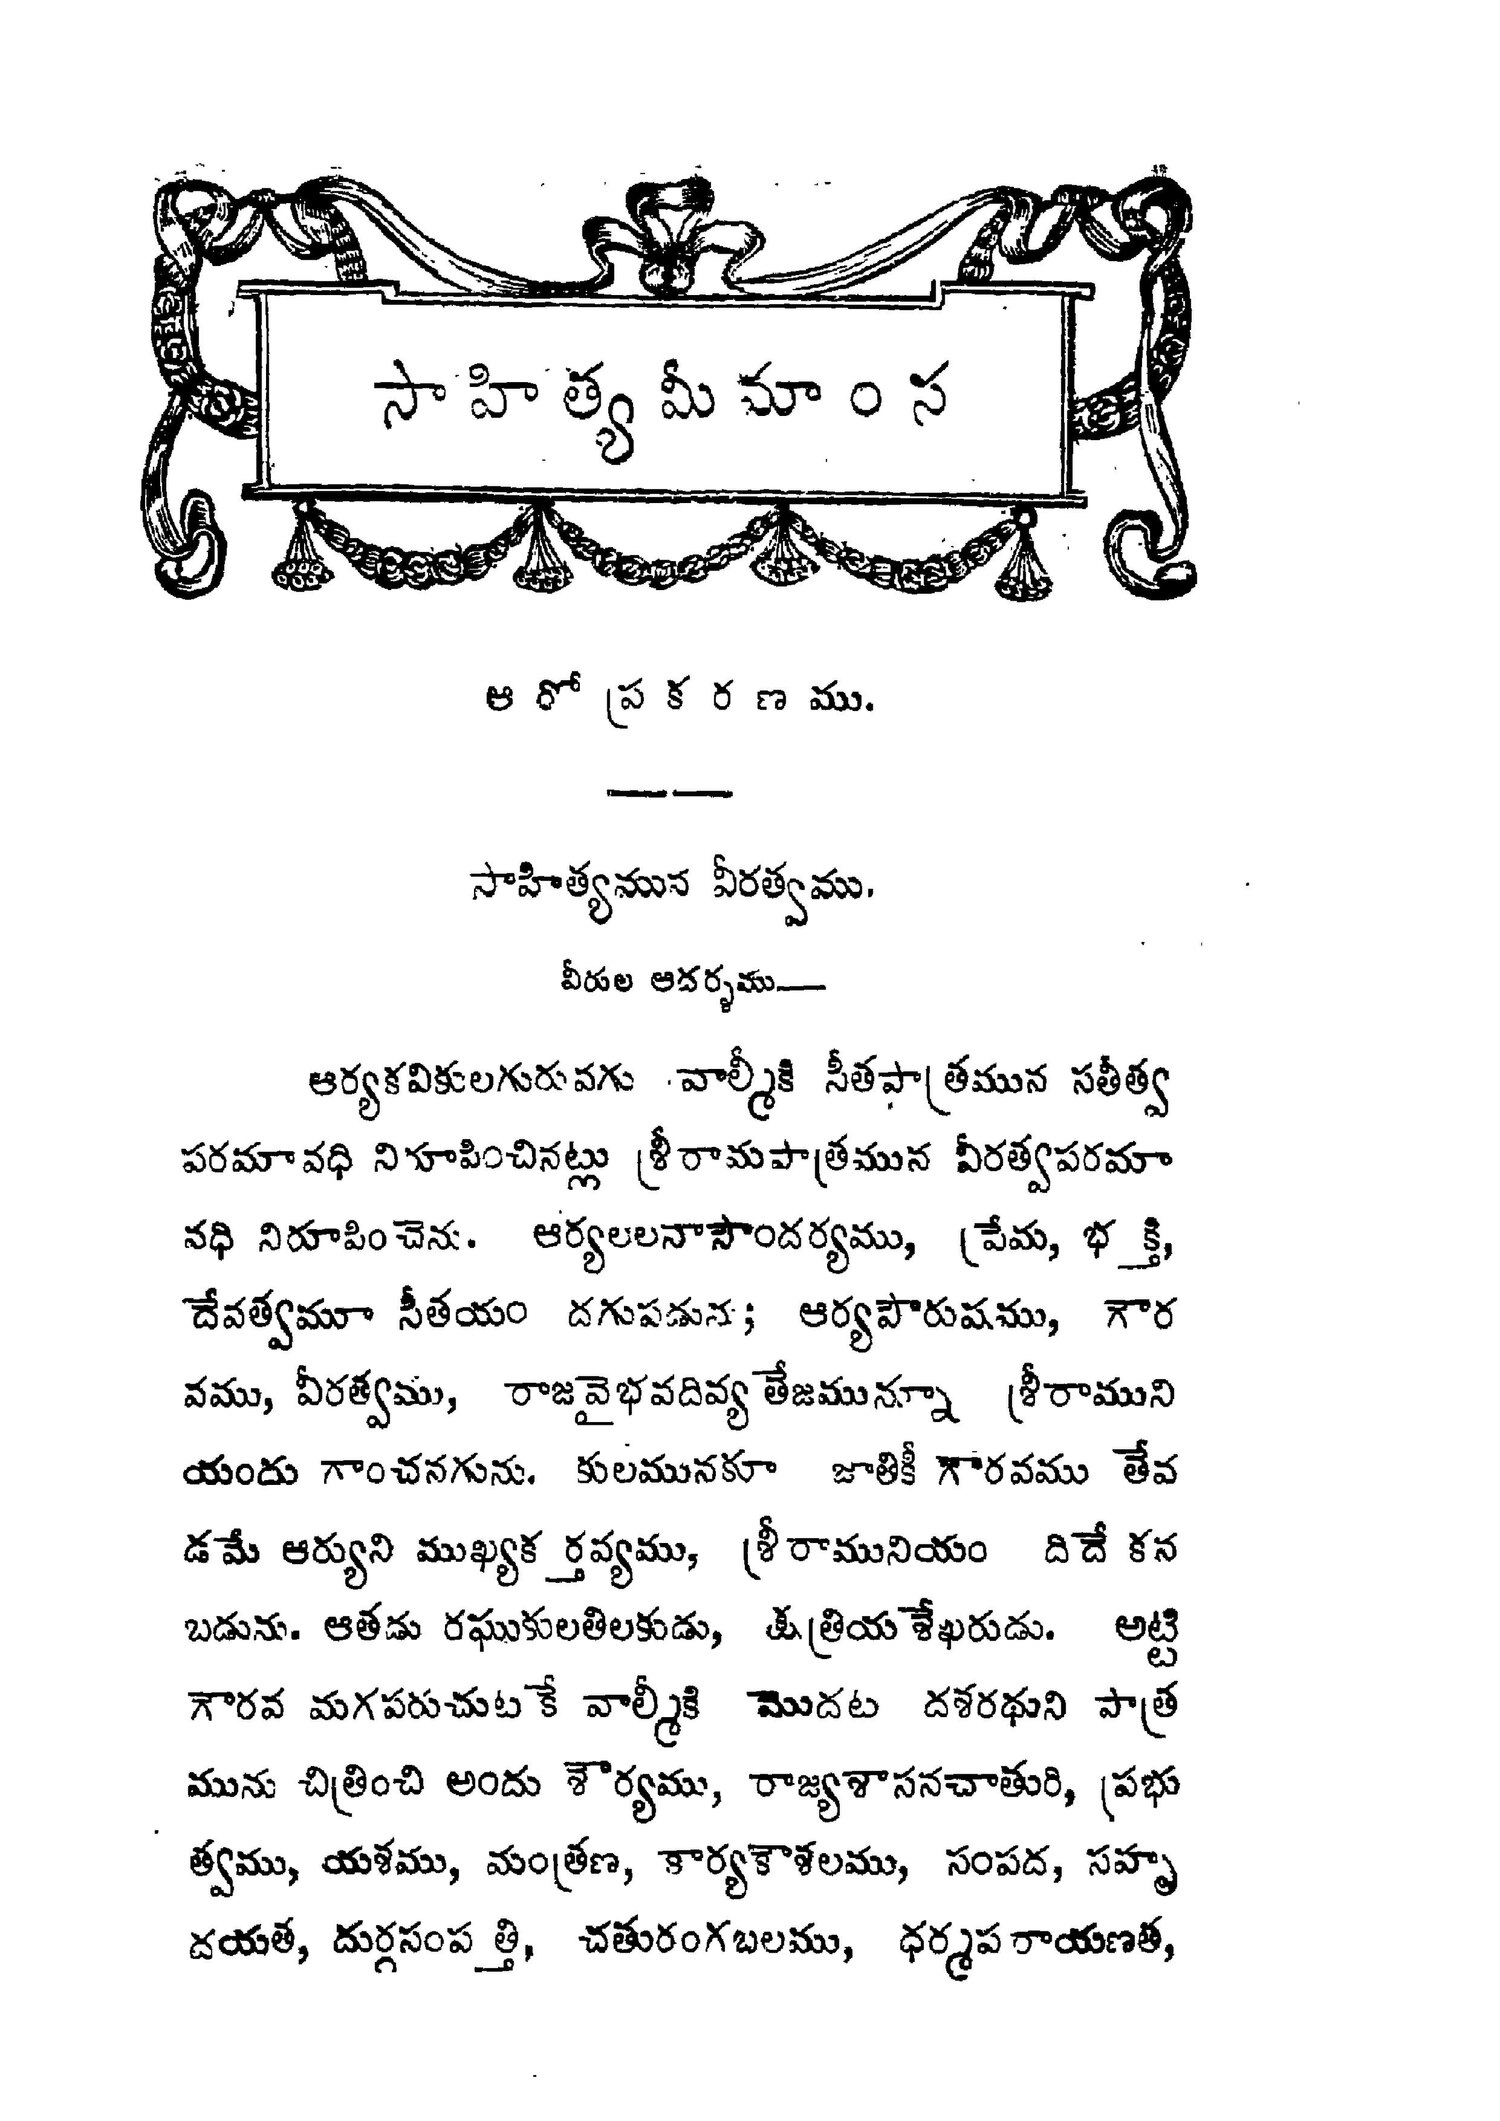ఆర్యకవికులగురువగు వాల్మీకి సీతపాత్రమున సతీత్వ పరమావధి నిరూపించినట్లు శ్రీరామపాత్రమున వీరత్వపరమావధి నిరూపించెను. ఆర్యలలనాసౌందర్యము, ప్రేమ, భక్తి, దేవత్వమూ సీతయం దగుపడును; ఆర్యపౌరుషము, గౌరవము, వీరత్వము, రాజవైభవదివ్యతేజమున్నూ శ్రీరాముని యందు గాంచనగును. కులమునకూ జాతికీ గౌరవము తేవడమే ఆర్యుని ముఖ్యకర్తవ్యము, శ్రీరామునియం దిదే కనబడును. ఆతడు రఘుకులతిలకుడు, క్షత్రియశేఖరుడు. అట్టి గౌరవ మగపరచుటకే వాల్మీకి మొదట దశరథుని పాత్రమును చిత్రించి అందు సౌర్యము, రాజ్యశాసనచాతురి, ప్రభుత్వము, యశము, మంత్రణ, కార్యకౌశలము, సంపద, సహృదయత, దుర్గసంపత్తి, చతురంగబలము, ధర్మపరాయణత,